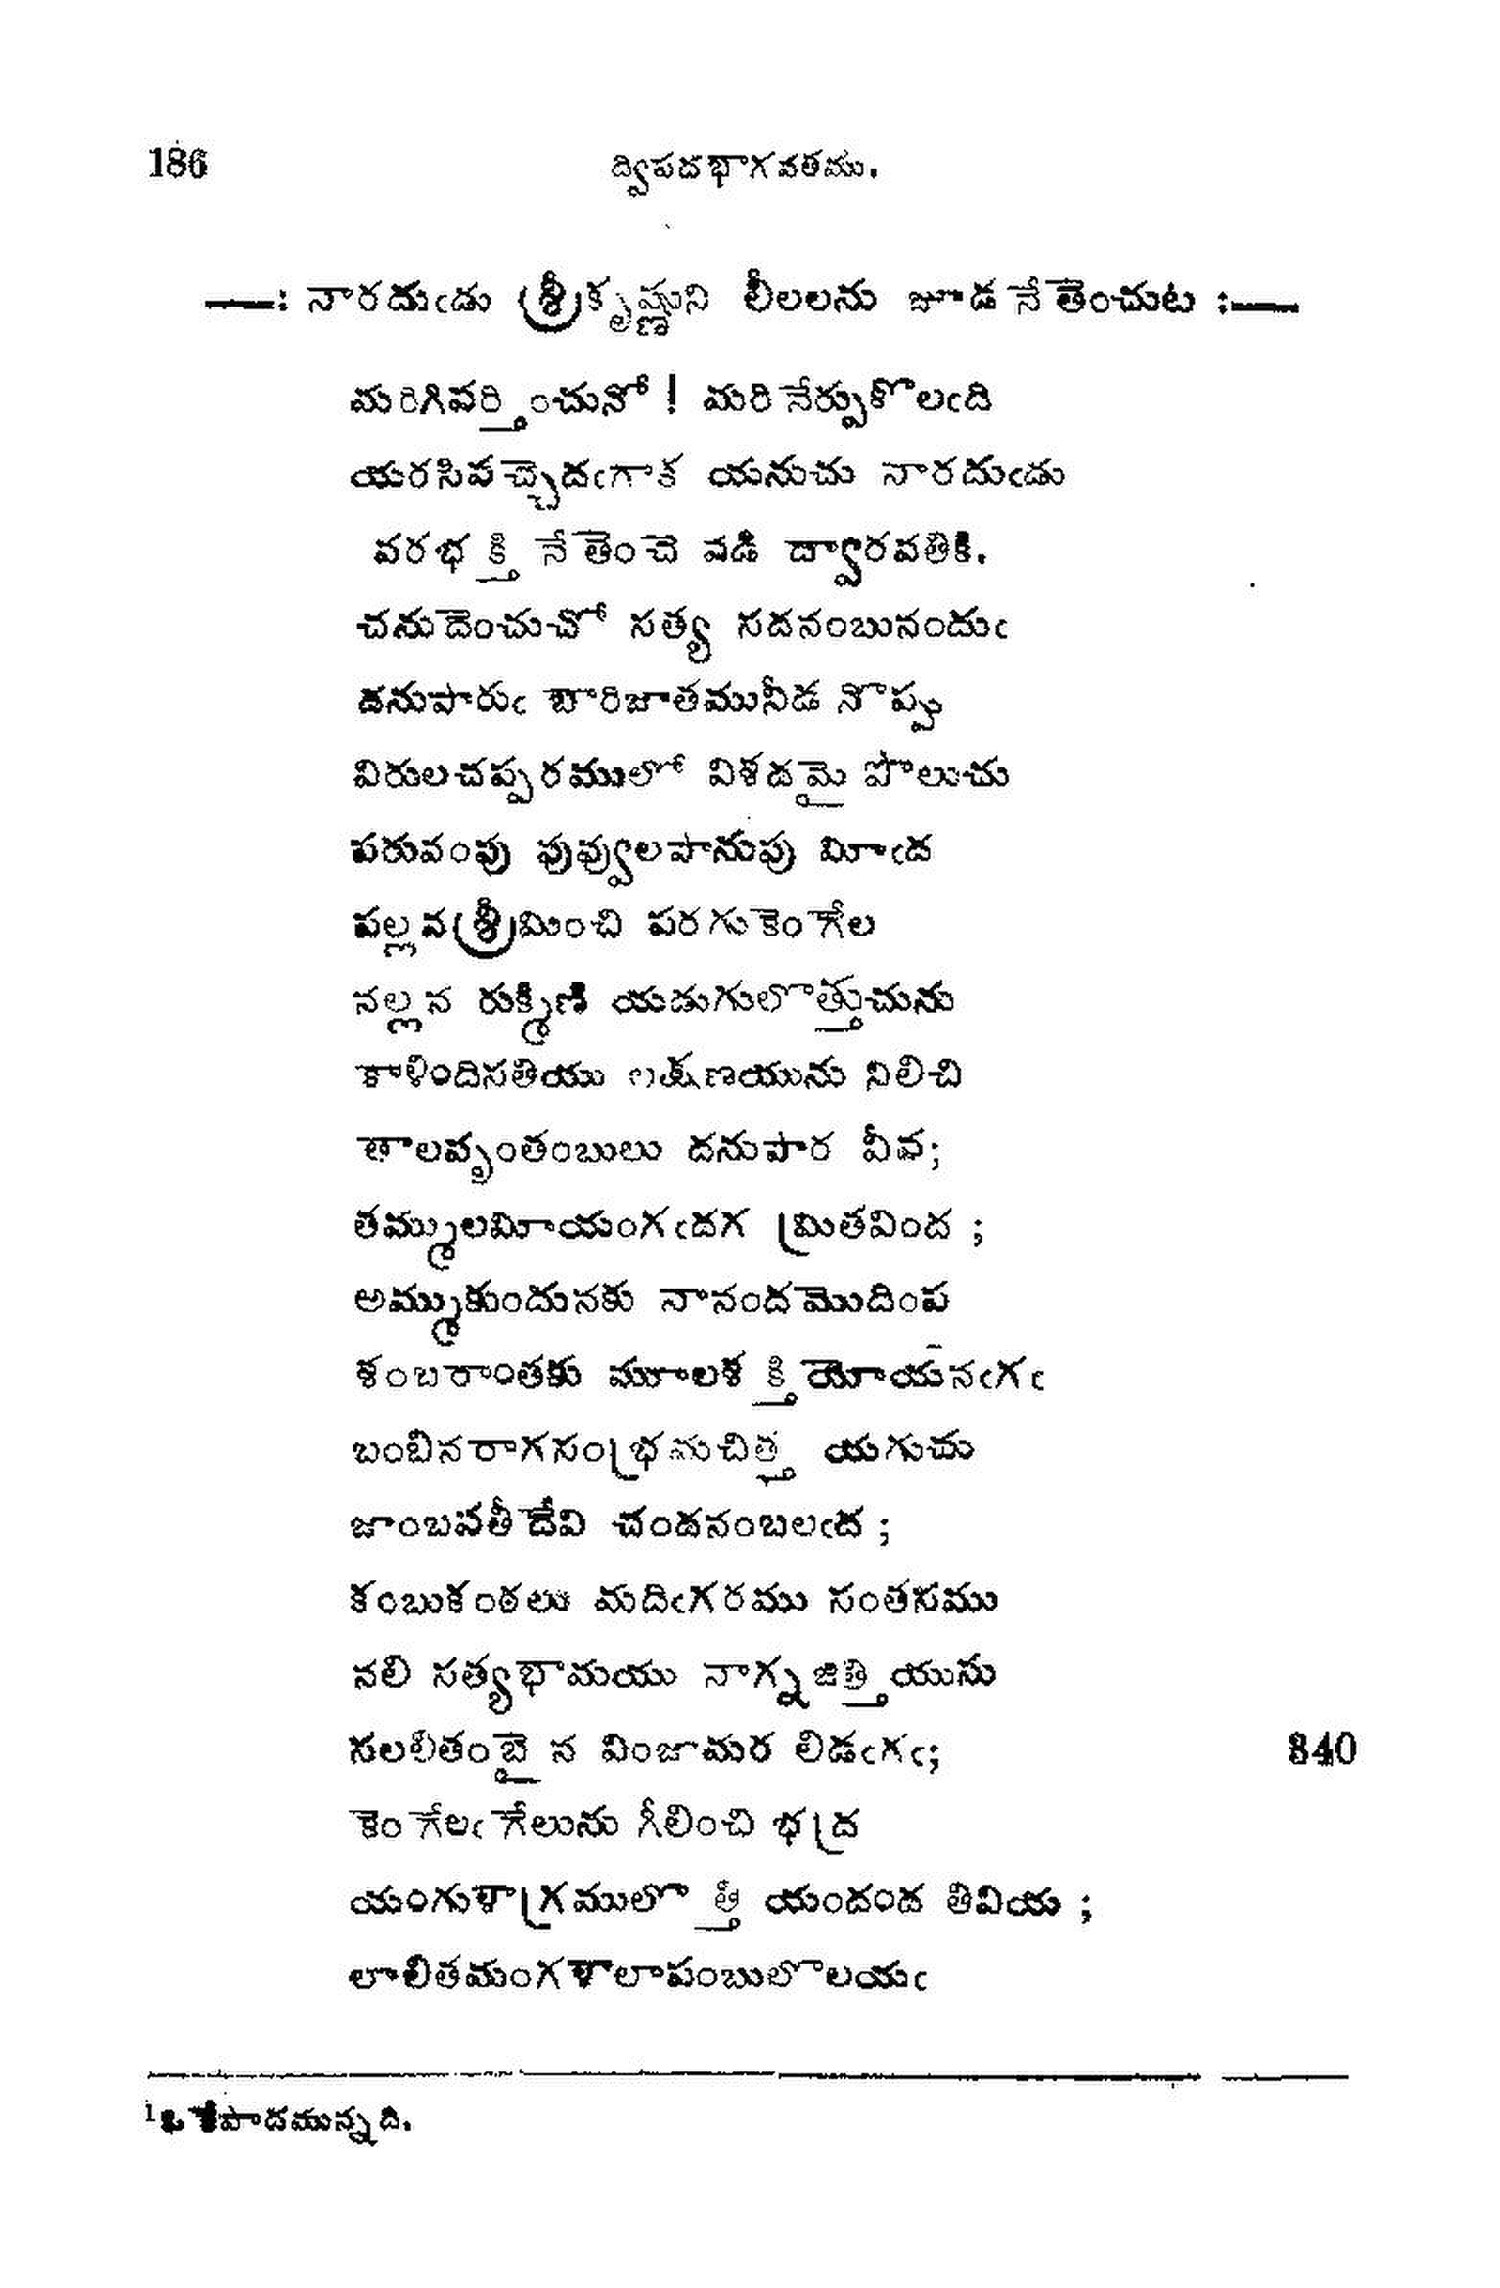మరిగివర్తించునో! మరి నేర్పుకొలఁది
యరసివచ్చెదఁగాక యనుచు నారదుఁడు 
వరభక్తి నేతెంచి వడి ద్వారవతికి.
చనుదెంచుచో సత్య సదనంబునందుఁ
దనుపారుఁ బారిజాతమునీడ నొప్పు
విరులచప్పరములో విశదమై పొలుచు
పరువంపు పువ్వులపానుపు మీఁద
పల్లవశ్రీమించి పరగుకెంగేల
నల్లన రుక్మిణి యడుగులొత్తుచును
కాళిందిసతియు లక్షణయును నిలిచి 
తాలవృంతంబులు దనుపార వీవ; 
తమ్ములమీయంగఁ దగ మిత్రవింద; 
అమ్ముకుందునకు నానందమొదింప
శంబరాంతకు మూలశక్తియో యనఁగఁ
బంబినరాగసంభ్రమచిత్త యగుచు
జాంబవతీదేవి చందనంబలఁద; 
కంబుకంఠలు మదిఁగరము సంతసము
నలి సత్యభామయు నాగ్నజిత్తియును
సలలితంబైన వింజామర లిడఁగఁ; 
కెంగేలఁగేలును గీలించి భద్ర
యంగుళాగ్రములొత్తి యందంద తివియ; 
లాలితమంగళాలాపంబు లొలయఁ